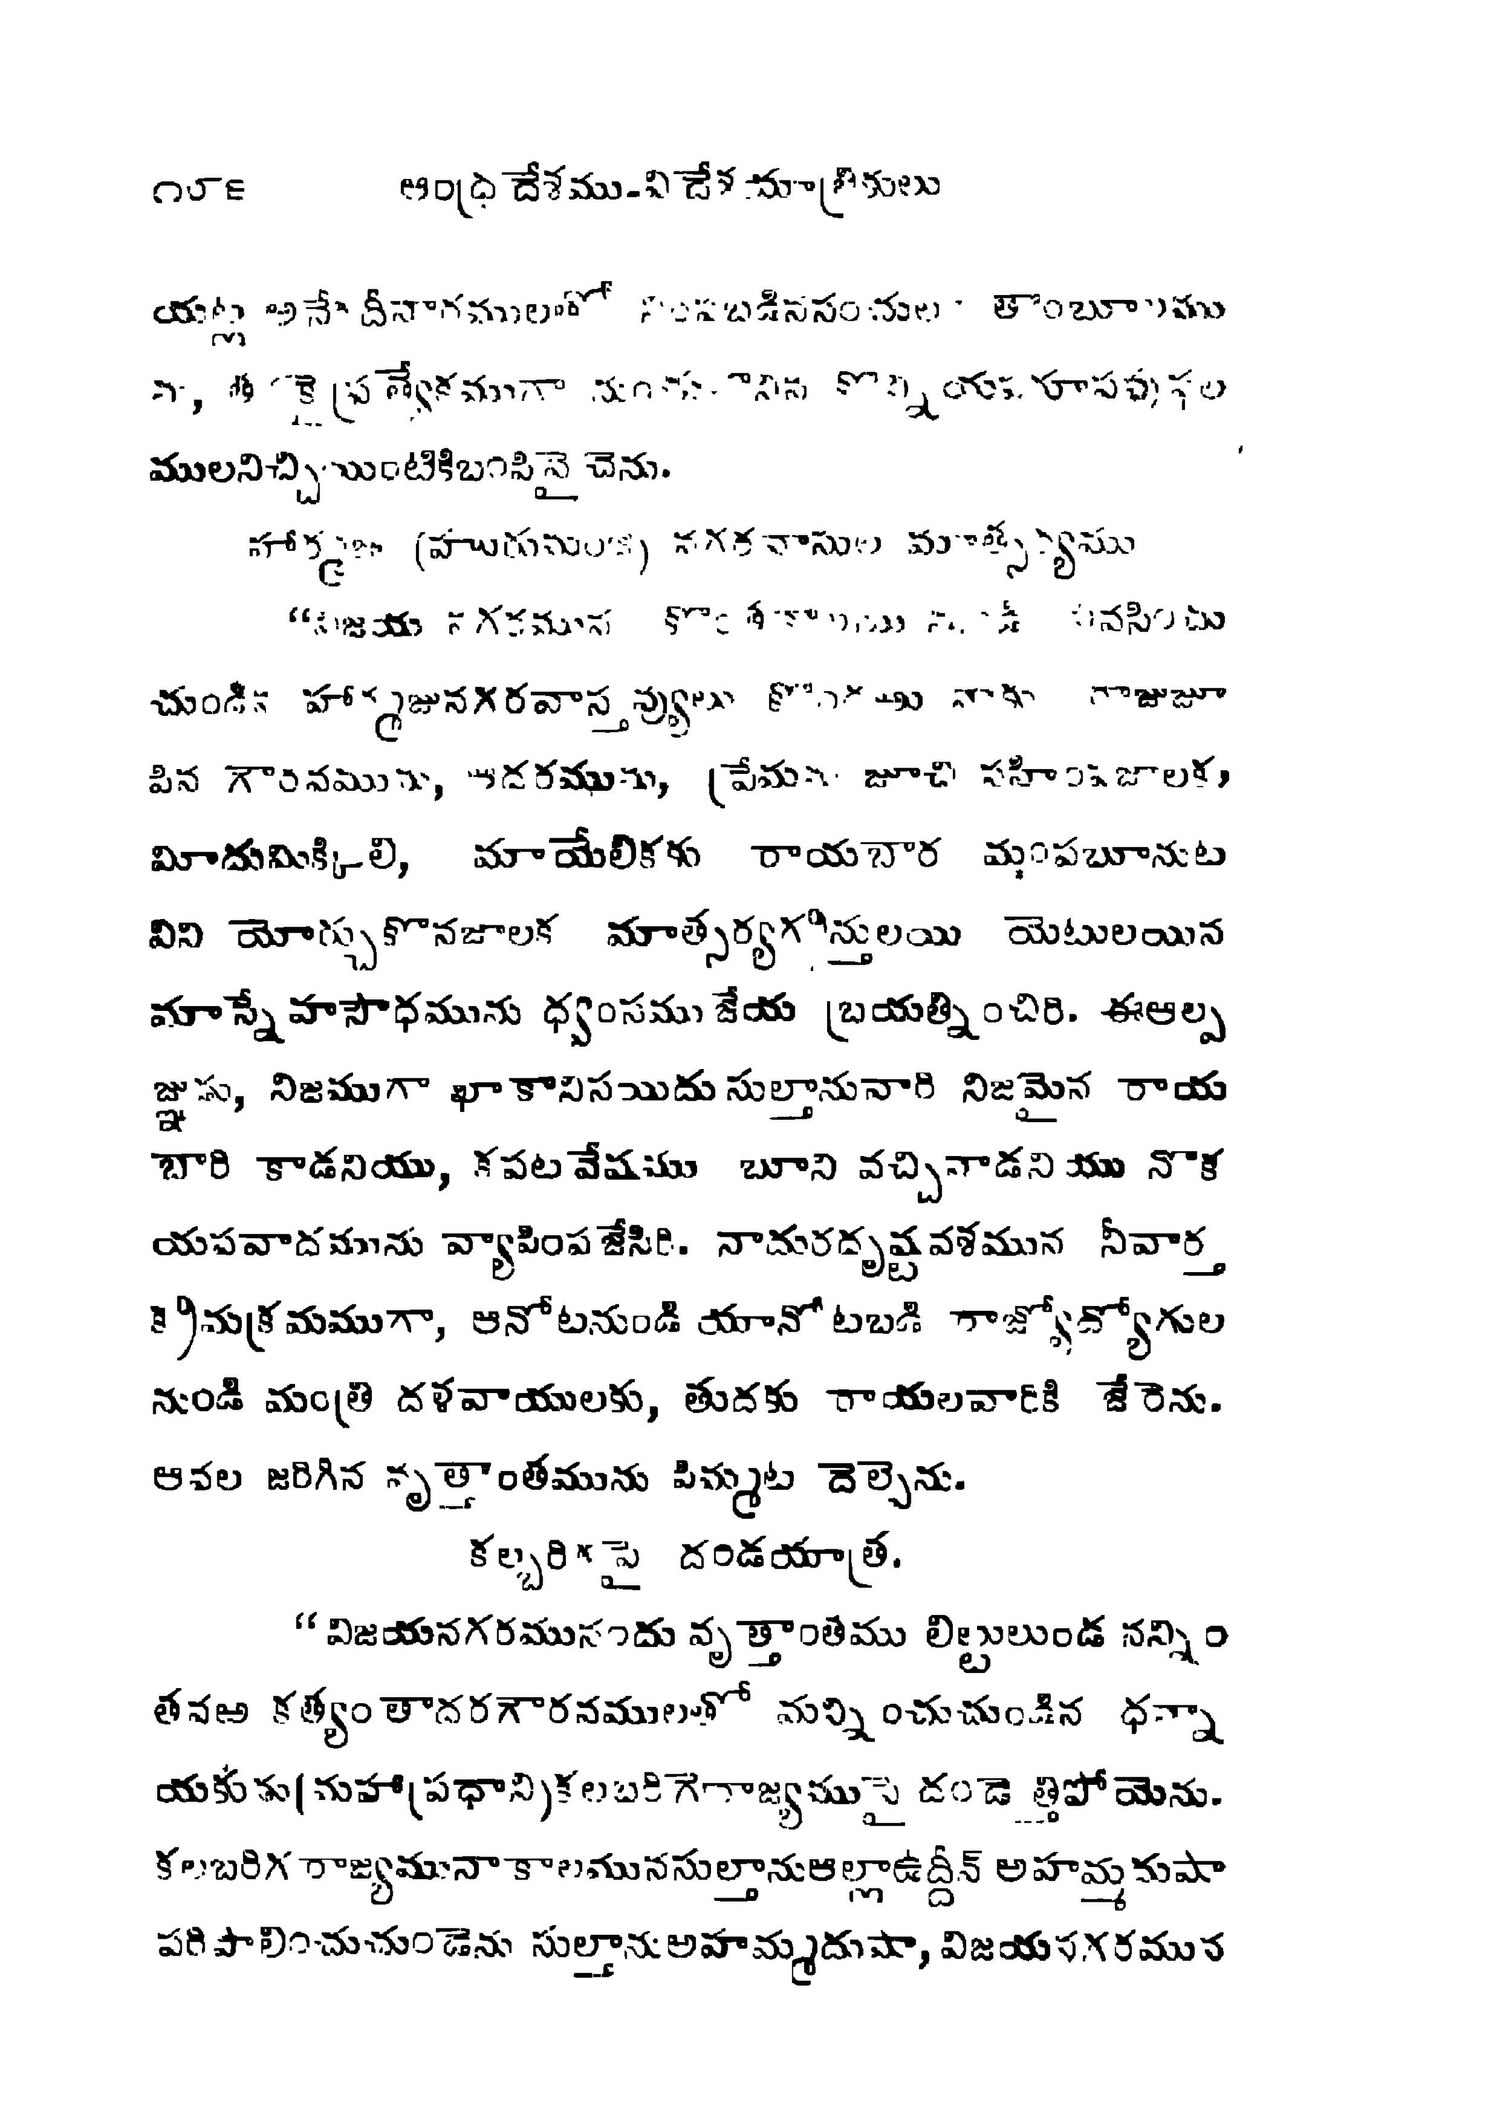యట్ల అనేకదీనారములతో నింపబడిసంచుల తాంబూలమును, తనకైప్రత్యేకముగా నుండుకొనిన కొన్నియపరూపపుఫలములనిచ్చి యింటికిబంపివైచెను.

"విజయ నగరమున కొంతకాలమునుండి నివసించుచుండిన హార్మజనగరవాస్తవ్యులు కొందఱు నాకు రాజుజూపిన గౌరవమును, ఆదరమును, ప్రేమను జూచి సహింపజాలక, మీదుమిక్కిలి, మాయేలికకు రాయబార మంపబూనుట విని యోర్చుకొనజాలక మాత్సర్యగ్రస్తులయి యెటులయిన మాస్నేహసౌధమును ధ్వంసముజేయ బ్రయత్నించిరి. ఈఅల్పజ్ఞుడు, నిజముగా ఖాకానిసయిదు సుల్తానువారి నిజమైన రాయబారి కాడనియు, కపటవేషము బూని వచ్చినవాడనియు నొక యపవాదమును వ్యాపింపజేసిరి. నాదురదృష్టవశమున నీవార్త క్రమక్రమముగా, ఆనోటనుండి యానోటబడి రాజ్యోద్యోగుల నుండి మంత్రి దళవాయులకు, తుదకు రాయలవారికి జేరెను. ఆవల జరిగిన వృత్తాంతమును పిమ్మట దెల్పెను.

"విజయనగరమునందు వృత్తాంతము లిట్టులుండ నన్నింతవఱ కత్యంతాదరగౌరవములతో మన్నించుచుండిన ధన్నాయకుడు (మహాప్రధాని) కలబరిగె రాజ్యముపై దండెత్తి పోయెను. కలబరిగ రాజ్యము నాకాలమున సుల్తాను అల్లాఉద్దీన్ అహమ్మదుషా పరిపాలించు చుండెను. సుల్తాను అహమ్మదుషా, విజయనగరమున